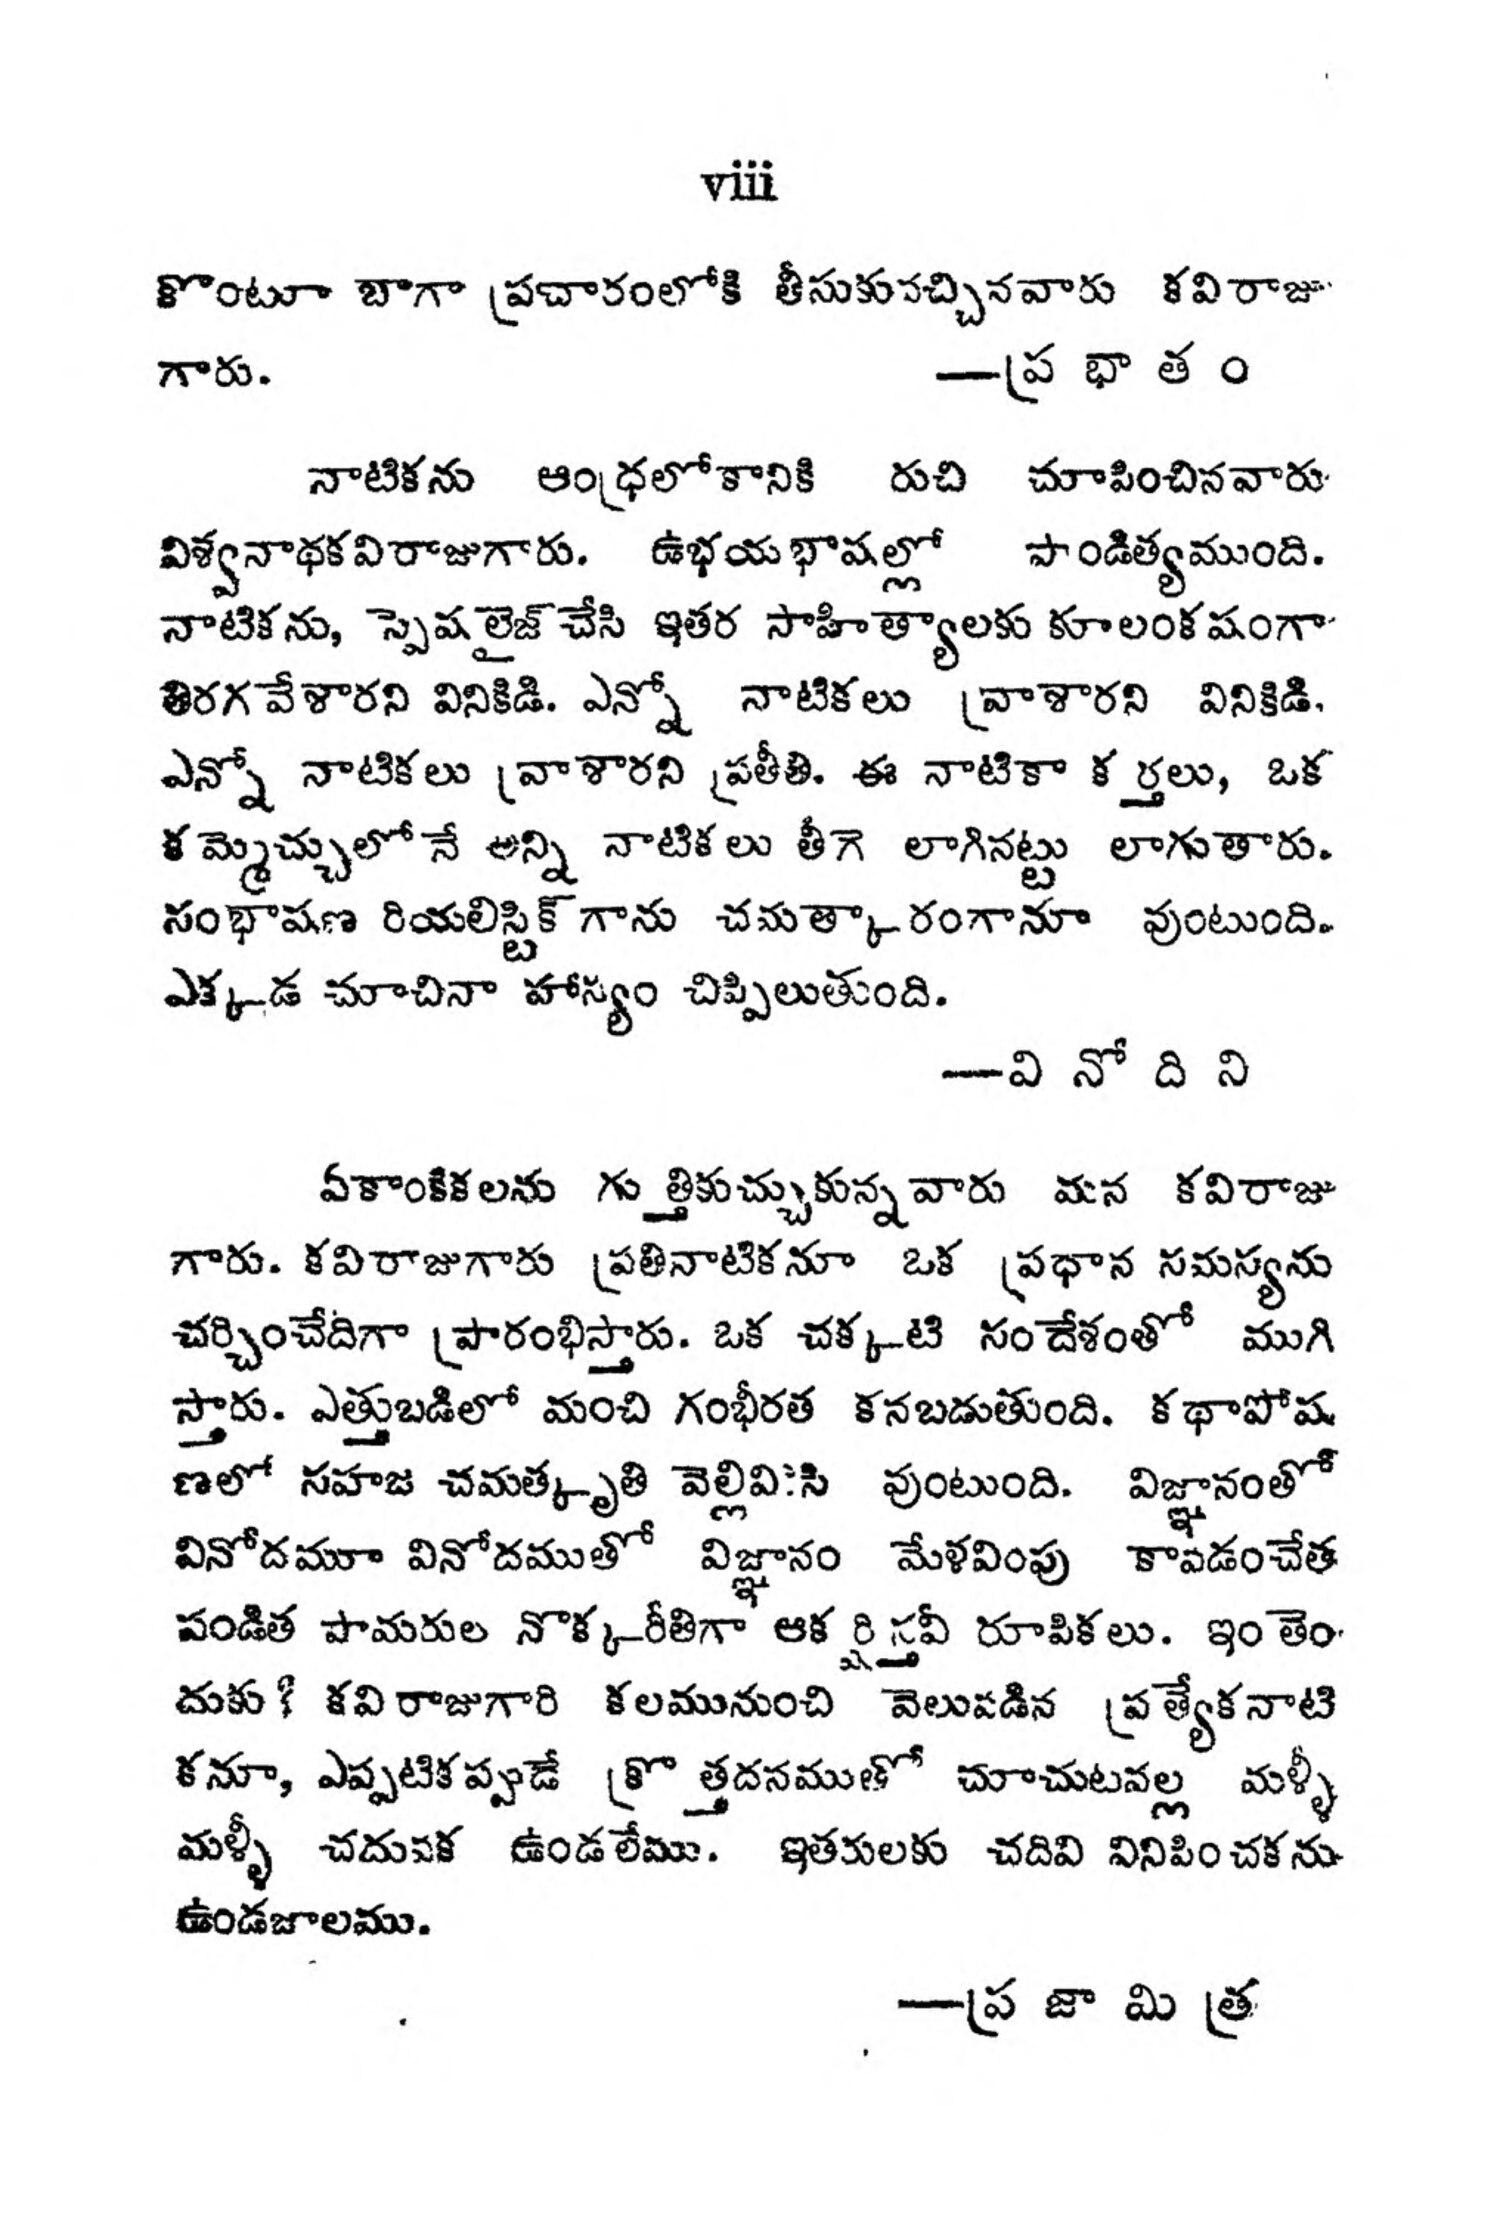కొంటూ బాగా ప్రచారంలోకి తీసుకువచ్చినవారు కవిరాజుగారు.

నాటికను ఆంధ్రలోకానికి రుచి చూపించినవారు విశ్వనాథకవిరాజుగారు. ఉభయభాషల్లో పాండిత్యముంది. నాటికను, స్పెషలైజ్‌చేసి ఇతర సాహిత్యాలకు కూలంకషంగా తిరగవేశారని వినికిడి. ఎన్నో నాటికలు వ్రాశారని వినికిడి. ఎన్నో నాటికలు వ్రాశారని ప్రతీతి. ఈ నాటికా కర్తలు, ఒక కమ్మెచ్చులోనే అన్ని నాటికలు తీగె లాగినట్టు లాగుతారు.
సంభాషణ రియలిస్టిక్ గాను చమత్కారంగానూ వుంటుంది. ఎక్కడ చూచినా హాస్యం చిప్పిలుతుంది.

ఏకాంకికలను గుత్తికుచ్చుకున్నవారు మన కవిరాజుగారు. కవిరాజుగారు ప్రతినాటికనూ ఒక ప్రధాన సమస్యను
చర్చించేదిగా ప్రారంభిస్తారు. ఒక చక్కటి సందేశంతో ముగిస్తారు. ఎత్తుబడిలో మంచి గంభీరత కనబడుతుంది. కథాపోషణలో సహజ చమత్కృతి వెల్లివిరిసి వుంటుంది. విజ్ఞానంతో వినోదమూ వినోదముతో విజ్ఞానం మేళవింపు కావడంచేత పండిత పామరుల నొక్కరీతిగా ఆకర్షిస్తవీ రూపికలు. ఇంతెందుకు? కవిరాజుగారి కలమునుంచి వెలువడిన ప్రత్యేకనాటికనూ, ఎప్పటికప్పుడే క్రొత్తదనముతో చూచుటవల్ల మళ్ళీ మళ్ళీ చదువక ఉండలేము. ఇతరులకు చదివి వినిపించకను ఉండజాలము.